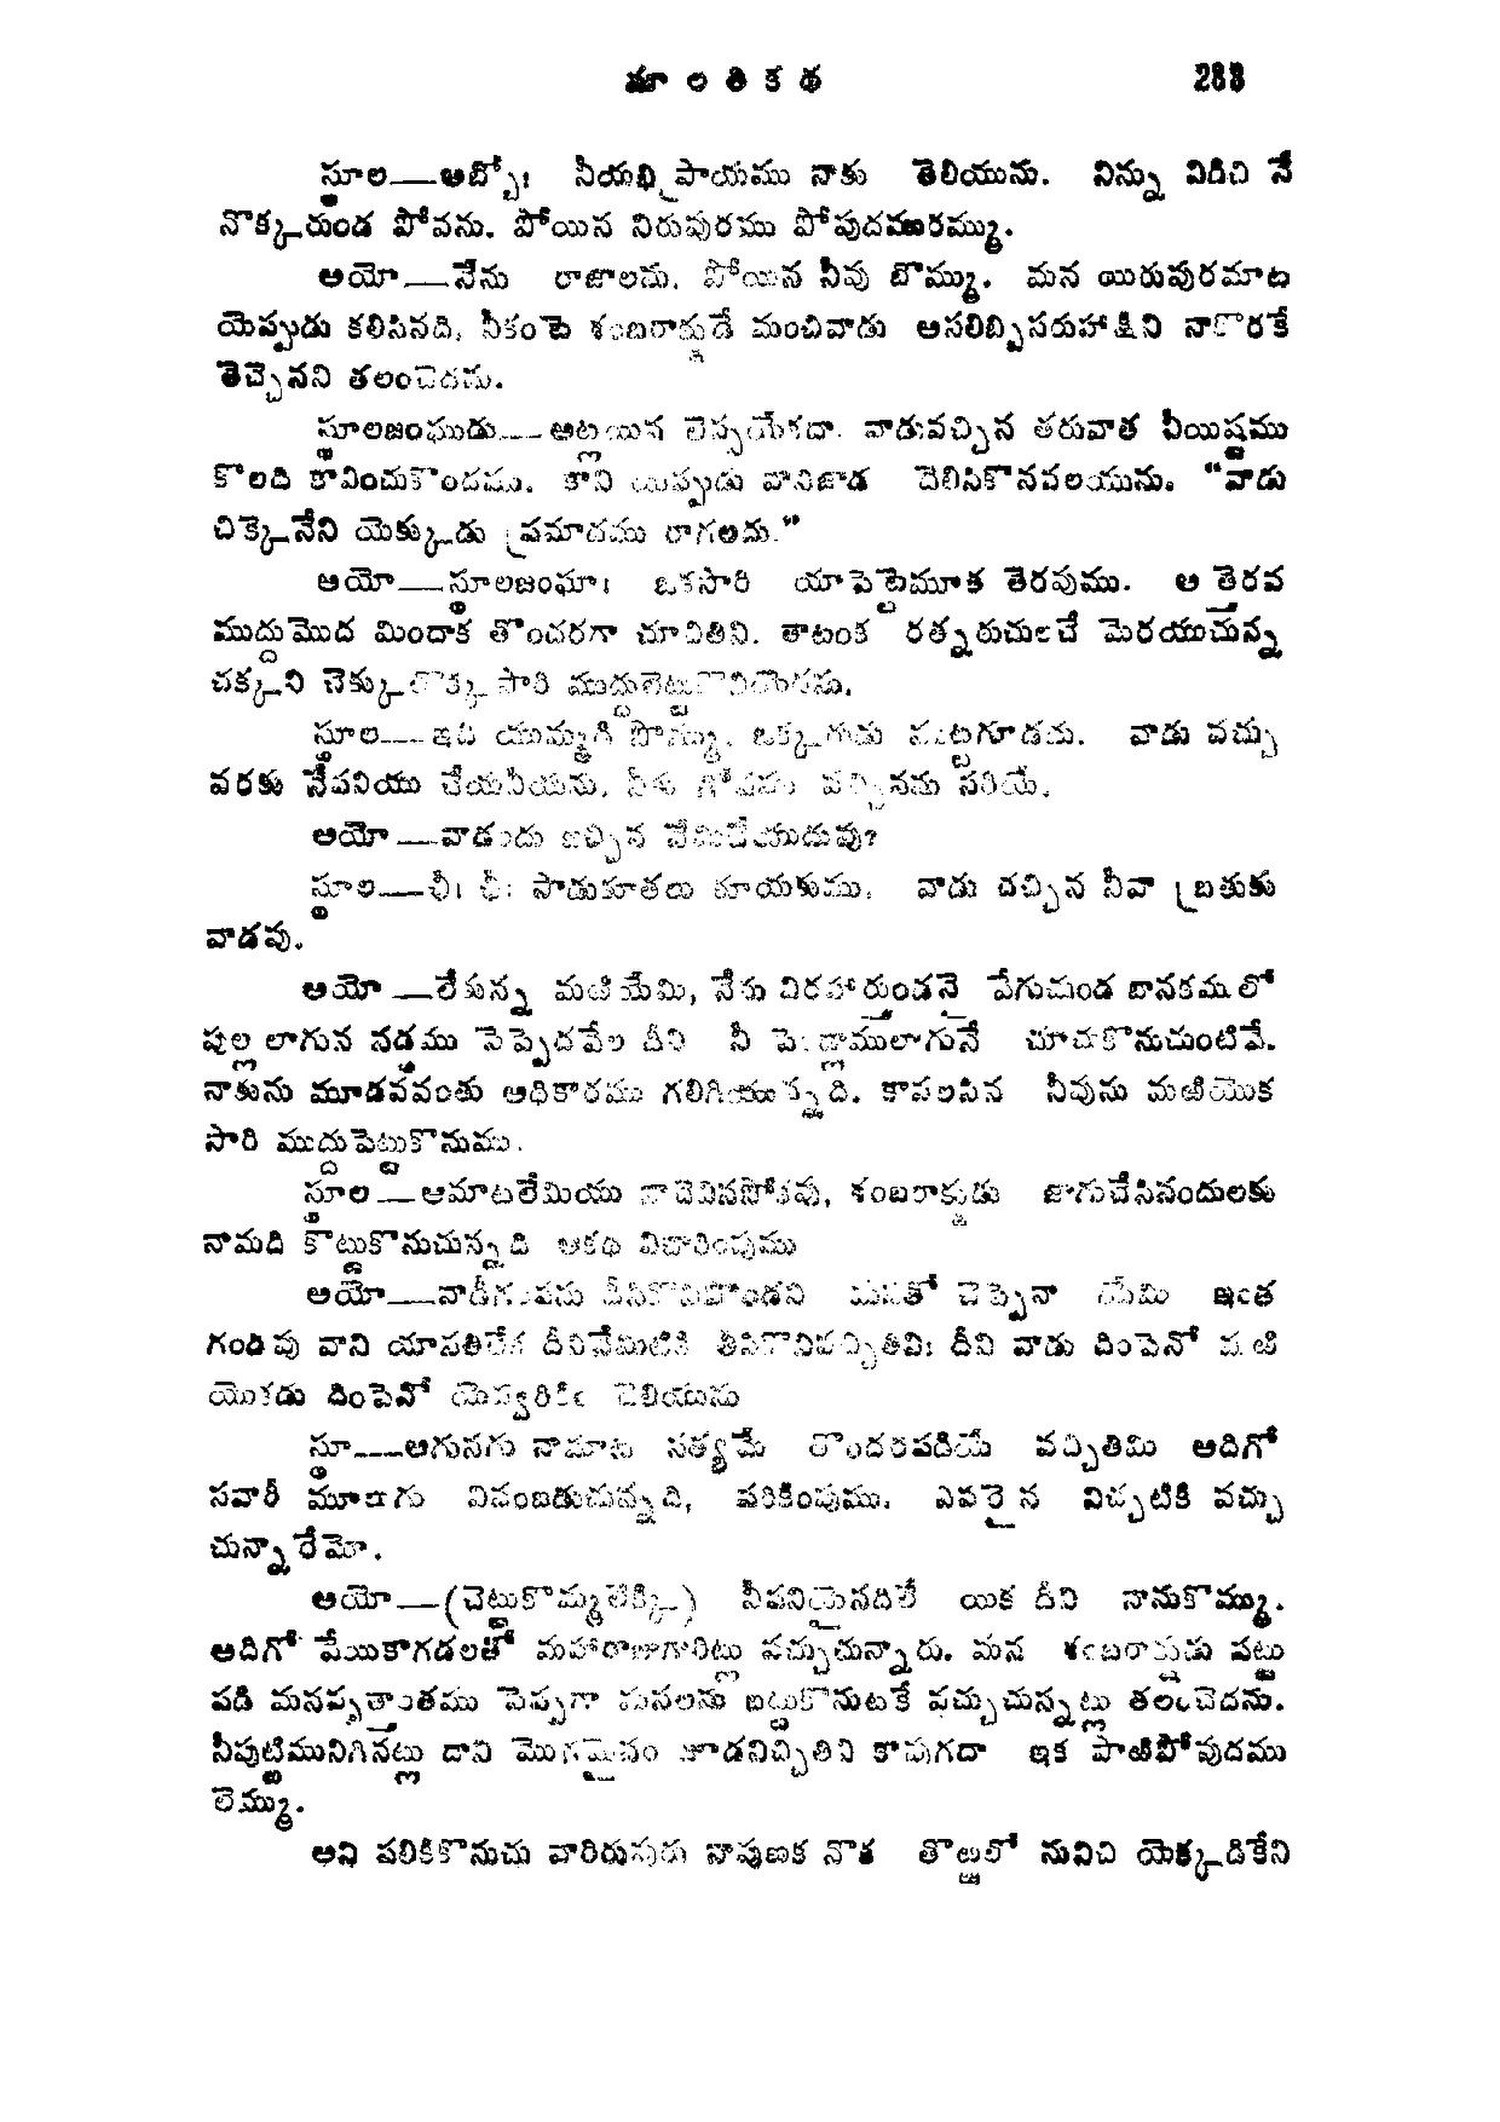స్థూల — అబ్బో! నీయభిప్రాయము నాకు తెలియును. నిన్ను విడిచి నే నొక్కరుండ పోవను. పోయిన నిరువురము పోవుదమురమ్ము.

అయో - నేను రాజాలను. పోయిన నీవు బొమ్ము. మన యిరువురమాట యెప్పుడు కలిసినది, నీకంటె శంబరార్థుడే మంచివాడు అసలిబ్బిసరుహాక్షిని నాకొరకే తెచ్చెనని తలంచెదను.

స్థూలజంఘుడు - అట్లయిన లెస్సయేగదా. వాడువచ్చిన తరువాత నీయిష్టము కొలది కావించుకొందము. కాని యిప్పుడు వానిజాడ దెలిసికొనవలయును. "వాడు చిక్కెనేని యెక్కుడు ప్రమాదము రాగలదు."

అయో - స్థూలజంఘా! ఒకసారి యాపెట్టెమూత తెరవుము. అత్తెరవ ముద్దుమొగ మిందాక తొందరగా చూచితిని. తాటంకరత్నరుచులచే మెరయుచున్న చక్కనిచెక్కు లొక్కసారి ముద్దుబెట్టుకొనియెదను.

స్థూల - ఇది యుమ్మడి సొమ్ము. ఒక్కరుడు ముట్టగూడదు. వాడు వచ్చువరకు నేపనియు చేయనీయను. నీకు గోపము వచ్చినను సరియే.

అయో - వాడందు జచ్చిన నేమిచేయుదువు?

స్థూల - ఛీ! ఛీ! పాడుకూతలు కూయకుడు. వాడు చచ్చిన నీవా బ్రతుకు వాడవు.

అయో - లేకున్న మఱియేమి, నేను విరహార్తుండనై వేగుచుండ బానకములో పుల్ల లాగున నడ్డము సెప్పెదవేల దీని నీ పెండ్లాములాగునే చూచుకొనుచుంటివే. నాకును మూడవవంతు అధికారము గలిగియున్నది. కావలసిన నీవును మఱియొకసారి ముద్దుపెట్టుకొనుము.

స్థూల --- ఆమాటలేమియు నాచెవినసోకవు. శంబరాక్షుడు జాగుచేసినందులకు నామది కొట్టుకొనుచున్నది అకథ విచారింపుము

అయో - వాడీగంపను దీసికొనిపొండని మనతో చెప్పెనా యేమి ఇంత గండవు వాని యానతిలేక దీనినేమిటికి తీసికొనివచ్చితివి? దీని వాడు దింపెనో మఱి యొకడు దింపెనో యెవ్వరికిఁ దెలియును.

స్థూ - అగునగు నామాట సత్యమే తొందరపడియే వచ్చితిమి అదిగో సవారీ మూలుగు వినంబడుచున్నది, పరికింపుము. ఎవరైన నిచ్చటికి వచ్చు చున్నారేమో.

అయో - (చెట్టుకొమ్మలెక్కి.) నీపనియైనదిలే యిక దీని నానుకొమ్ము. అదిగో వేయికాగడలతో మహారాజుగారిట్లు వచ్చుచున్నారు. మన శంబరాక్షుడు పట్టుపడి మనవృత్తాంతము సెప్పగా మనలను బట్టుకొనుటకే వచ్చుచున్నట్లు తలంచెదను. నీపుట్టిమునిగినట్లు దాని మొగమైనం జూడనిచ్చితివి కావుగదా ఇక పాఱిపోవుదము లెమ్ము.

అని పలికికొనుచు వారిరువురు నాపుణక నొక తొఱ్ఱలో నునిచి యెక్కడికేని